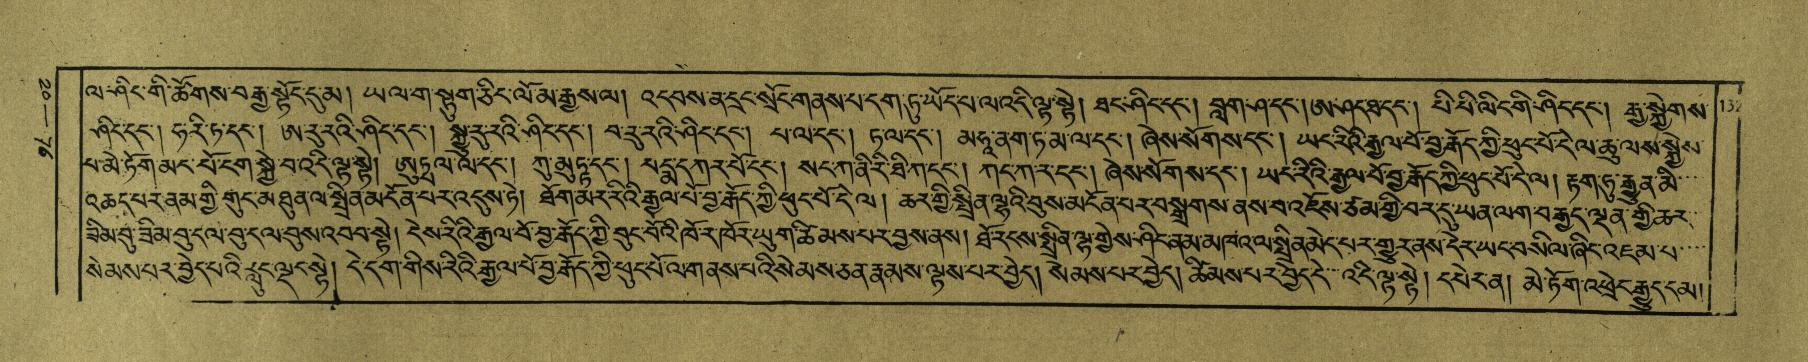ལ་ཤིང་གི་ཚོགས་བརྒྱ་སྟོང་དུ་མ། ཡལ་ག་སྟུག་ཅིང་ལོ་མ་རྒྱས་ལ། འདབས་ན་དྲང་སྲོང་གནས་པ་དག་ཏུ་ཡོད་པ་ལ་འདི་ལྟ་སྟེ། ཐང་ཤིང་དང་། བླག་ཤ་དང་། ཨ་ཤད་ཐ་དང་། པི་པི་ལིང་གི་ཤིང་དང་། རྒྱ་སྐྱེགས་
ཤིང་དང་། ཧ་རི་ཏ་དང་། ཨ་རུ་རའི་ཤིང་དང་། སྐྱུ་རུ་རའི་ཤིང་དང་། བ་རུ་རའི་ཤིང་དང་། པ་ལ་དང་། ཏ་ལ་དང་། མཐའ་ན་ག་ཏ་མ་ལ་དང་། ཞེས་སོགས་དང་། ཡང་རིའི་རྒྱལ་པོ་བྱ་རྒོད་ཀྱི་ཕུང་པོ་དེ་ལ་ཆུ་ལས་སྐྱེས་
པ་མེ་ཏོག་མང་པོ་ངག་སྐྱེ་བ་འདི་ལྟ་སྟེ། ཨུཏྤལ་ལ་དང་། ཀུ་མུཏྟ་དང་། པདམ་དཀར་པོ་དང་། སང་ཀ་ནི་རི་ཐི་ཀ་དང་། ཀང་ཀ་ར་དང་། ཞེས་སོགས་དང་། ཡང་རིའི་རྒྱལ་པོ་བྱ་རྒོད་ཀྱི་ཕུང་པོ་དེ་ལ། རྟག་ཏུ་རྒྱུན་མི་
འཆད་པར་ནམ་གྱི་གུང་མཐུན་ལ་སྤྲིན་མངོན་པར་འདུས་ཏེ། ཐོག་མར་རིའི་རྒྱལ་པོ་བྱ་རྒོད་ཀྱི་ཕུང་པོ་དེ་ལ། ཆར་གྱི་སྤྲིན་ལྷའི་བུས་མངོན་པར་བསྒྲགས་ནས་བ་འཇོས་ཙམ་གྱི་བར་དུ་ཡན་ལག་བརྒྱད་ལྡན་གྱི་ཆར་
ཟིམ་བུ་ཟིམ་བུ་དལ་བུ་དལ་བུས་འབབ་སྟེ། དེས་རིའི་རྒྱལ་བོ་བྱ་རྒོད་ཀྱི་བུང་བོའི་ཁོ་ར་ཁོར་ཡུག་ཚིམས་པར་བྱས་ནས། ཐོ་རངས་སྤྲིན་ལྷ་གྱེས་ཤིང་ནམ་མཁའ་ལ་སྤྲིན་མེད་པར་གྱུར་ནས་དེར་ཡང་བསིལ་ཞིང་འཇམ་པ་
སེམས་པར་བྱེད་པའི་རླུང་ལྡང་སྟེ། དེ་དག་གིས་རིའི་རྒྱལ་པོ་བྱ་རྒོད་ཀྱི་ཕུང་པོ་ལ་གནས་པའི་སེམས་ཅན་རྣམས་ལྟས་པར་བྱེད། སེམས་པར་བྱེད། ཚིམས་པར་བྱེད་དེ་འདི་ལྟ་སྟེ། དཔེར་ན། མེ་ཏོག་འཕྲེང་རྒྱུད་དམ།